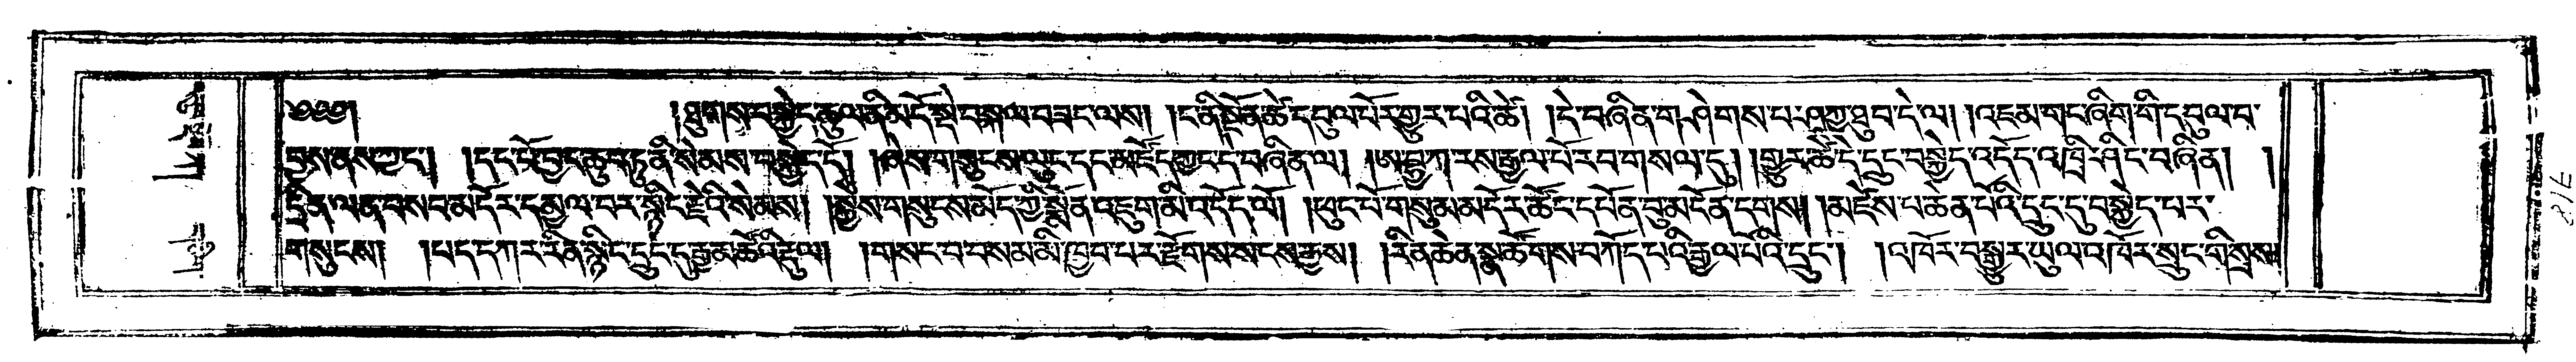༄༅༅། །ཐུགས་བསྐྱེད་ཚུལ་ནི་མདོ་སྡེ་བསྐལ་བཟང་ལས། །ང་ནི་སྔོན་ཚེ་དབུལ་པོར་གྱུར་པའི་ཚེ། །དེ་བཞིན་གཤེགས་པ་ཤཱུཀྱ་ཐུབ་དེ་ལ། །འཇམ་གང་ཞིག་གི་དབུལ་བ་
བྱས་ནས་ཀྱང་། །དང་པོ་བྱང་ཆུབ་ཏུ་ནི་སེམས་བསྐྱེད་དོ། །ཞེས་གསུངས་ལུང་དང་མཛོད་ཀྱང་དེ་བཞིན་ལ། །ཨ་བྷྱ་ཀ་རས་རྒྱལ་པོ་རབ་གསལ་དུ། །གྱུར་ཚེ་དེ་དྲུང་བསྐྱེད་འདོད་འཁྲི་ཤིང་བཞིན། །
དྲིན་ལན་བསབ་མདོར་དམྱལ་བར་སྙིང་རྗེའི་སེམས། །སྐྱེས་གསུངས་མོད་ཀྱི་སྨོན་འཇུག་མི་འདོད་ལོ། །ཕུང་པོ་གསུམ་མདོར་ཚོང་དཔོན་བུ་མངོན་དགས། །མཛེས་པ་ཆེན་པོའི་དྲུང་དུ་བསྐྱེད་པར་
གསུངས། །པད་དཀར་རིན་སྙིང་དྲུང་དུ་རྒྱ་མཚོའི་རྡུལ། །གསང་བ་བསམ་མི་ཁྱབ་པར་རྫོགས་སངས་རྒྱས། །རིན་ཆེན་སྣ་ཚོགས་བཀོད་པའི་རྒྱལ་པོའི་དྲུང་། །འཁོར་བསྒྱུར་ཡུལ་འཁོར་སྲུང་གི་སྲས་